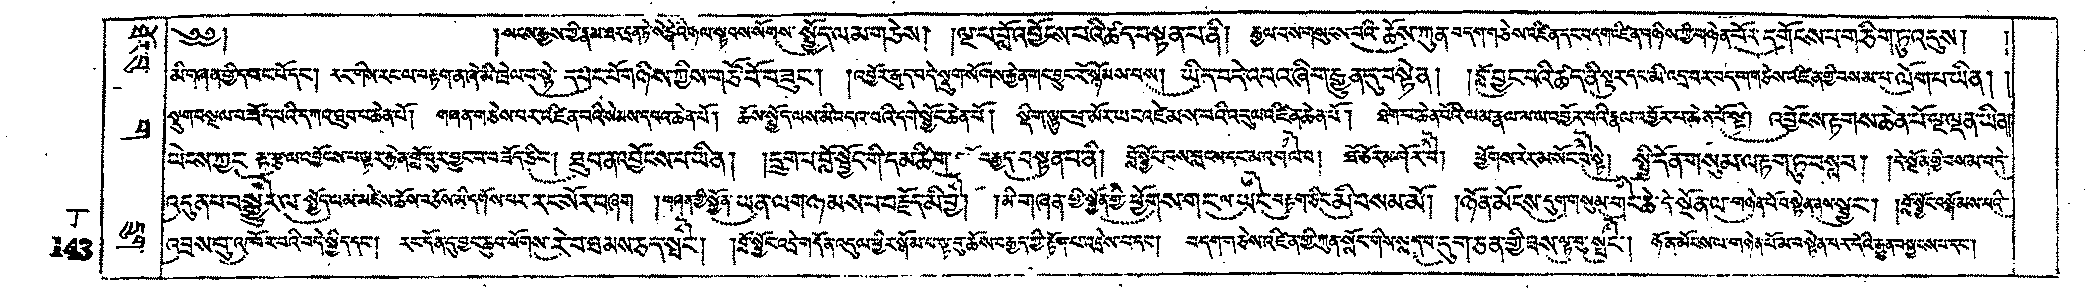༄༅། །སངས་རྒྱས་ཀྱི་རྣམ་ཐར་དྲན་ཏེ་སེངྒེའི་ཉལ་སྟབས་སོགས་སྤྱོད་ལམ་གཅེས། །ལྔ་པ་བློ་འབྱོངས་པའི་ཚད་བསྟན་པ་ནི། རྒྱལ་བས་གསུངས་པའི་ཆོས་ཀུན་བདག་གཅེས་འཛིན་དང་བདག་འཛིན་གཉིས་ཀྱི་གཉེན་པོར་དགོངས་པ་གཅིག་ཏུ་འདུས། །
མི་གཞན་གྱི་དབང་པོ་དང་། རང་གིས་རང་ལ་བརྟག་ན་ཞེ་མི་ཁྲེལ་བ་སྟེ་དབང་པོ་གཉིས་ཀྱིས་གཙོ་བོ་བཟུང་། །འབྱོར་རྒུད་བདེ་སྡུག་སོགས་རྐྱེན་བྱུང་རོ་སྙོམས་པས།  ཡིད་བདེ་འབའ་ཞིག་རྒྱུན་དུ་བསྟེན། །བྱང་བློ་བའི་ཚད་ནི་སྔར་དང་མི་འདྲ་བར་བདག་གཅེས་འཛིན་གྱི་བསམ་པ་ལོག་པ་ཡིན། །
སྡུག་བསྔལ་བཟོད་པའི་དཀའ་ཐུབ་པ་ཆེན་པོ། གཞན་གཅེས་པར་འཛིན་པའི་སེམས་དཔའ་ཆེན་པོ། ཆོས་སྤྱོད་ལས་མི་འདའ་བའི་དགེ་སྦྱོང་ཆེན་པོ། སྡིག་ལྟུང་ཕྲ་མོར་ཡང་འཛེམས་པའི་འདུལ་འཛིན་ཆེན་པོ། ཐེག་པ་ཆེན་པོའི་ལམ་རྣལ་མ་ལ་འབྱོར་བའི་རྣལ་འབྱོར་པ་ཆེན་པོ་སྟེ། འབྱོངས་རྟགས་ཆེན་པོ་ལྔ་ལྡན་ཡིན།
ཡེངས་ཀྱང་རྟ་རྩལ་འབྱོངས་པ་ལྟར་རྐྱེན་གློ་བུར་བྱུང་བ་བཟོད་ཅིང་།  ཐུབ་ན་འབྱོངས་པ་ཡིན། །དྲུག་པ་བློ་སྦྱོང་གི་དམ་ཚིག་བཅོ་བརྒྱད་བསྟན་པ་ནི། བློ་སྦྱོང་ཁས་བླངས་དང་མ་འགལ་བ། ཐོ་ཅོར་མ་ཤོར་བ། ཕྱོགས་རེར་མ་སོང་བ་སྟེ།  སྤྱི་དོན་གསུམ་ལ་རྟག་ཏུ་བསླབ། །དེ་སྔོན་གྱི་བསམ་པ་དེ་
འདུན་པ་བསྒྱུར་ལ་སྤྱོད་ལམ་མཛེས་ཆོས་བཅོས་མི་དགོས་པར་རང་སོར་བཞག་།གཞན་གྱི་སྐྱོན་ཡན་ལག་ཉམས་པ་བརྗོད་མི་བྱ། །མི་གཞན་གྱི་སྐྱོན་གྱི་ཕྱོགས་གང་ལ་ཡང་བརྟག་ཅིང་མི་བསམ་མོ། །ཉོན་མོངས་དུག་གསུམ་གང་ཆེ་དེ་སྔོན་ལ་གཉེན་པོ་བསྟེན་ནས་སྦྱང་། །བློ་སྦྱོང་བསྒོམས་པའི་
འབྲས་བུ་འཁོར་བའི་བདེ་སྐྱིད་དང་། རང་དོན་དུ་བྱང་ཆུབ་སོགས་རེ་བ་ཐམས་ཅད་སྤང་། །བློ་སྦྱོང་འདྲེ་གདོན་འདུལ་ཕྱིར་སྒོམ་པ་ལྟ་བུ་ཆོས་བརྒྱད་ཀྱི་འདྲེས་པ་དང་། བདག་གཅེས་འཛིན་གྱི་ཀུན་སློང་གིས་སླད་པ་འདུག་ཅན་གྱི་ཟས་ལྟ་བུ་སྤང་། ཉོན་མོངས་ལ་གཉེན་པོ་མ་བསྟན་པར་དེའི་རྒྱུན་བསྐྱངས་པ་དང་།